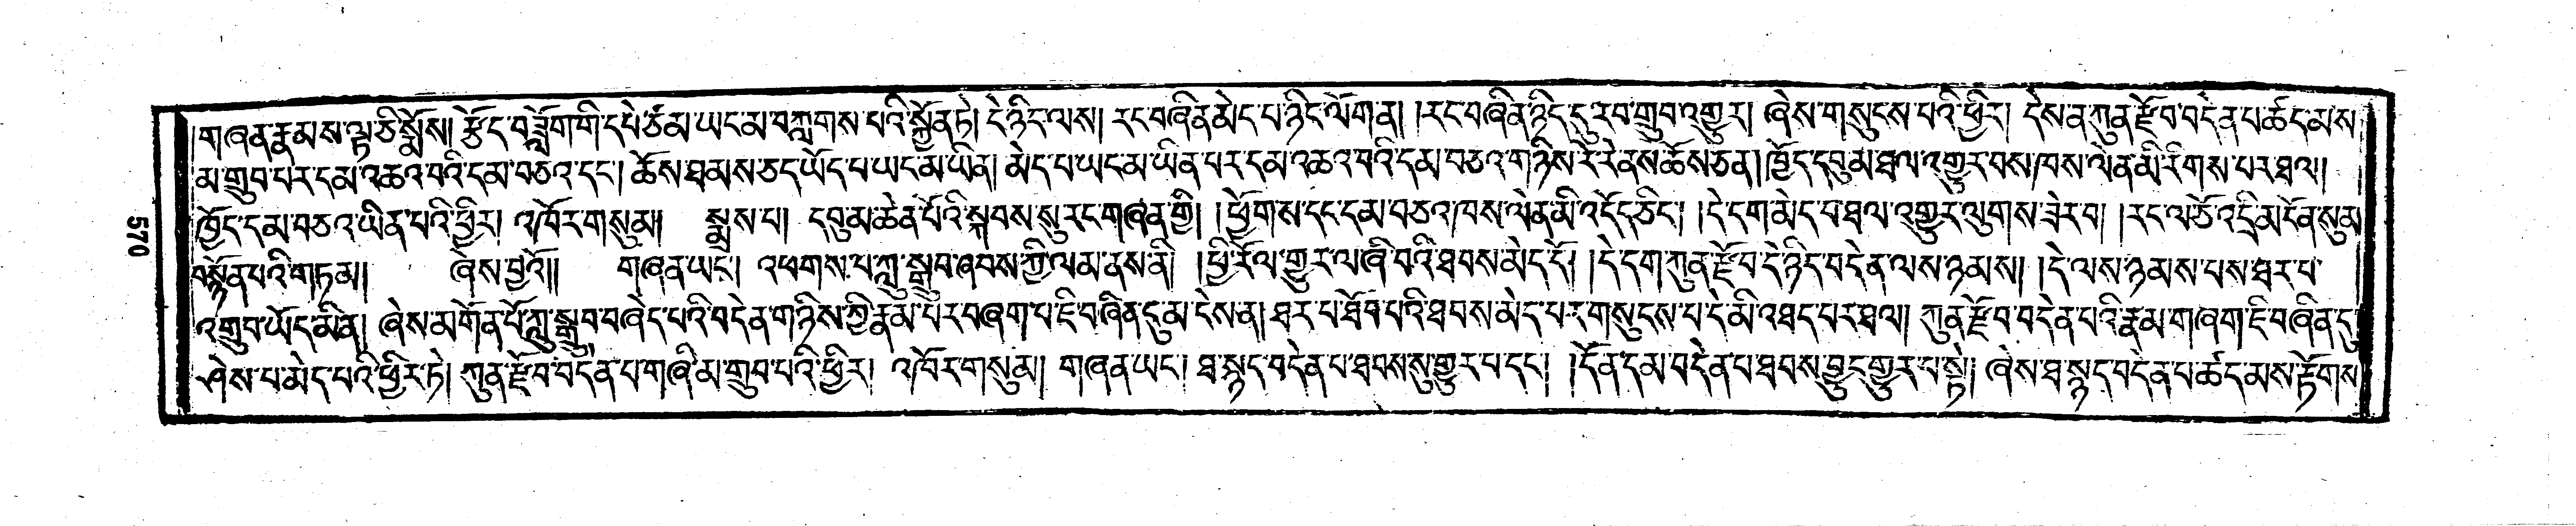གཞན་རྣམས་ལྟ་ཅི་སྨོས། རྩོད་བཟློག་གི་དཔེ་ཙམ་ཡང་མ་བཀླགས་པའི་སྐྱོན་ཏེ། དེ་ཉིད་ལས། རང་བཞིན་མེད་པ་ཉིད་ལོག་ན། །རང་བཞིན་ཉིད་དུ་རབ་གྲུབ་འགྱུར། ཞེས་གསུངས་པའི་ཕྱིར། དེས་ན་ཀུན་རྫོབ་བདེན་པ་ཚད་མས་
མ་གྲུབ་པར་དམ་འཆའ་བའི་དམ་བཅའ་དང་། ཆོས་ཐམས་ཅད་ཡོད་པ་ཡང་མ་ཡིན། མེད་པ་ཡང་མ་ཡིན་པར་དམ་འཆའ་བའི་དམ་བཅའ་གཉིས་རེ་རེ་ནས་ཆོས་ཅན། ཁྱོད་དབུ་མ་ཐལ་འགྱུར་བས་ཁས་ལེན་མི་རིགས་པར་ཐལ།
ཁྱོད་དམ་བཅའ་ཡིན་པའི་ཕྱིར། འཁོར་གསུམ། སྨྲས་པ། དབུ་མ་ཆེན་པོའི་སྐབས་སུ་རང་གཞན་གྱི། །ཕྱོགས་དང་དམ་བཅའ་ཁས་ལེན་མི་འདོད་ཅིང་། །དེ་དག་མེད་པ་ཐལ་འགྱུར་ལུགས་ཟེར་བ། །རང་ལ་ཅོ་འདྲི་མངོན་སུམ་
བསྙོན་པའི་གཏམ། ཞེས་བྱའོ།། གཞན་ཡང་། འཕགས་པ་ཀླུ་སྒྲུབ་ཞབས་ཀྱི་ལམ་ནས་ནི། །ཕྱི་རོལ་གྱུར་ལ་ཞི་བའི་ཐབས་མེད་དོ། །དེ་དག་ཀུན་རྫོབ་དེ་ཉིད་བདེན་ལས་ཉམས། །དེ་ལས་ཉམས་པས་ཐར་པ་
འགྲུབ་ཡོད་མིན། ཞེས་མགོན་པོ་ཀླུ་སྒྲུབ་བཞེད་པའི་བདེན་གཉིས་ཀྱི་རྣམ་པར་བཞག་པ་ཇི་བཞིན་དུ་མ་ངེས་ན། ཐར་པ་ཐོབ་པའི་ཐབས་མེད་པར་གསུངས་པ་དེ་མི་འཐད་པར་ཐལ། ཀུན་རྫོབ་བདེན་པའི་རྣམ་གཞག་ཇི་བཞིན་དུ་
ཤེས་པ་མེད་པའི་ཕྱིར་ཏེ། ཀུན་རྫོབ་བདེན་པ་གཞི་མ་གྲུབ་པའི་ཕྱིར། འཁོར་གསུམ། གཞན་ཡང་། ཐ་སྙད་བདེན་པ་ཐབས་སུ་གྱུར་པ་དང་། །དོན་དམ་བདེན་པ་ཐབས་བྱུང་གྱུར་པ་སྟེ། ཞེས་ཐ་སྙད་བདེན་པ་ཚད་མས་རྟོགས་